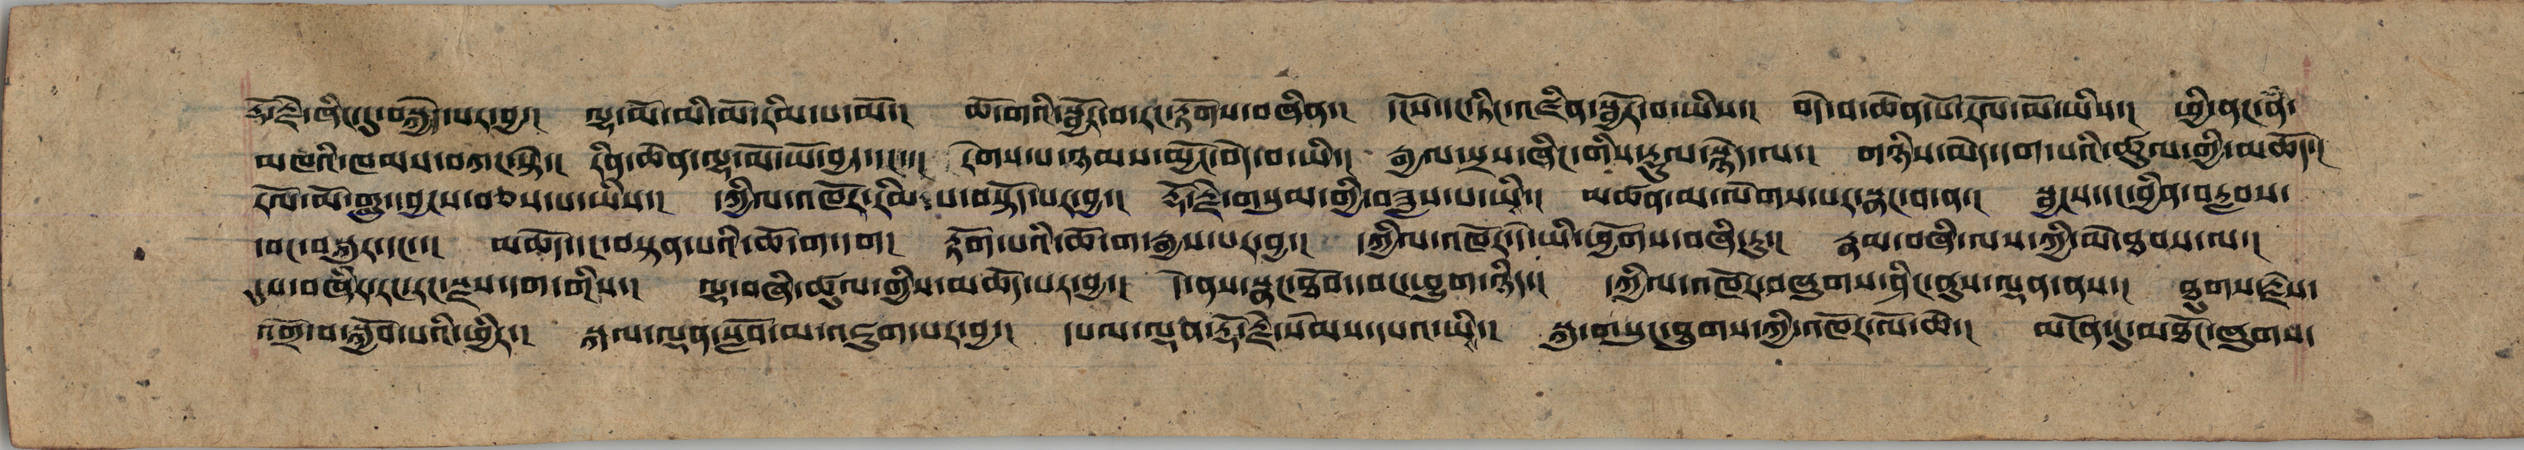རྡོ་རྗེ་ཞིང་དུ་བསྐྱེད་པར་བྱ་། ལྷ་མོ་མི་མོ་རིམ་པ་མོ་། ཆོ་གའི་སྦྱོར་བ་རང་རྟོགས་བཞིན་། དངོས་དང་ཏིང་འཛིན་སྦྱོར་བ་ཡིས་། བདེ་བ་ཆེན་པོ་རོལ་མོ་ཡིས་། ཕྱི་ནང་ནཾ
མཁའི་ཁམས་བཀང་སྟེ་། རིན་ཆེན་ལྷ་མོ་ཡོ་བྱད་དང་་། རེགས་པ་ཉམས་མྱོང་བདེ་བ་ཡིས་། རྒྱལ་སྲས་ཞིང་གི་རྡུལ་སྙེད་ལ་། གཉིས་མེད་དག་པའི་ཚུལ་གྱི་མཆོད་།
རོལ་མོ་གླུ་དབྱངས་བཅས་པ་ཡིས་། དཀྱིལ་འཁོར་རིམ་པ་བསྟོད་པར་བྱ་། རྡོ་རྗེ་གསུམ་གྱི་བཟླས་པ་ཡི་། མཚན་མ་ལེགས་པར་སྣང་བ་ན་། སྦྱངས་དང་བྱིན་བརླབས་
དབང་བསྐུར་དང་་། མཆོད་དང་བསྟན་པའི་ཆོ་ག་དག། རྟོག་པའི་ཆོ་ག་རྒྱས་པར་བྱ་། དཀྱིལ་འཁོར་དེ་ཡི་ཕྱོགས་བཞི་རུ་། རྣམ་བཞི་ལས་ཀྱི་མེ་ཐབས་ལ་།
དུས་བཞིར་རང་རང་སྫས་དག་གིས་། ལྷ་བཞི་ཚུལ་གྱིས་མཆོད་པར་བྱ་། དེ་ནས་སྣང་ཐོབ་དབང་ཕྱུག་ཉིད་། དཀྱིལ་འཁོར་བཞུགས་ཤིང་ནུས་ལྡན་ནས་། ཐུགས་རྗེས་
འགྲོ་བ་སྐྱོབ་པའི་ཕྱིར་། སྐལ་ལྡན་སློབ་མ་འཇུག་པར་བྱ་། དཔལ་ལྡན་རྡོ་རྗེ་སེམས་དཔའ་ཡིས་། སྐུ་གསུང་ཐུགས་ཀྱི་འཁོར་ལོ་ཆེ་། མངོན་དུ་མཐོང་ཞུགས་